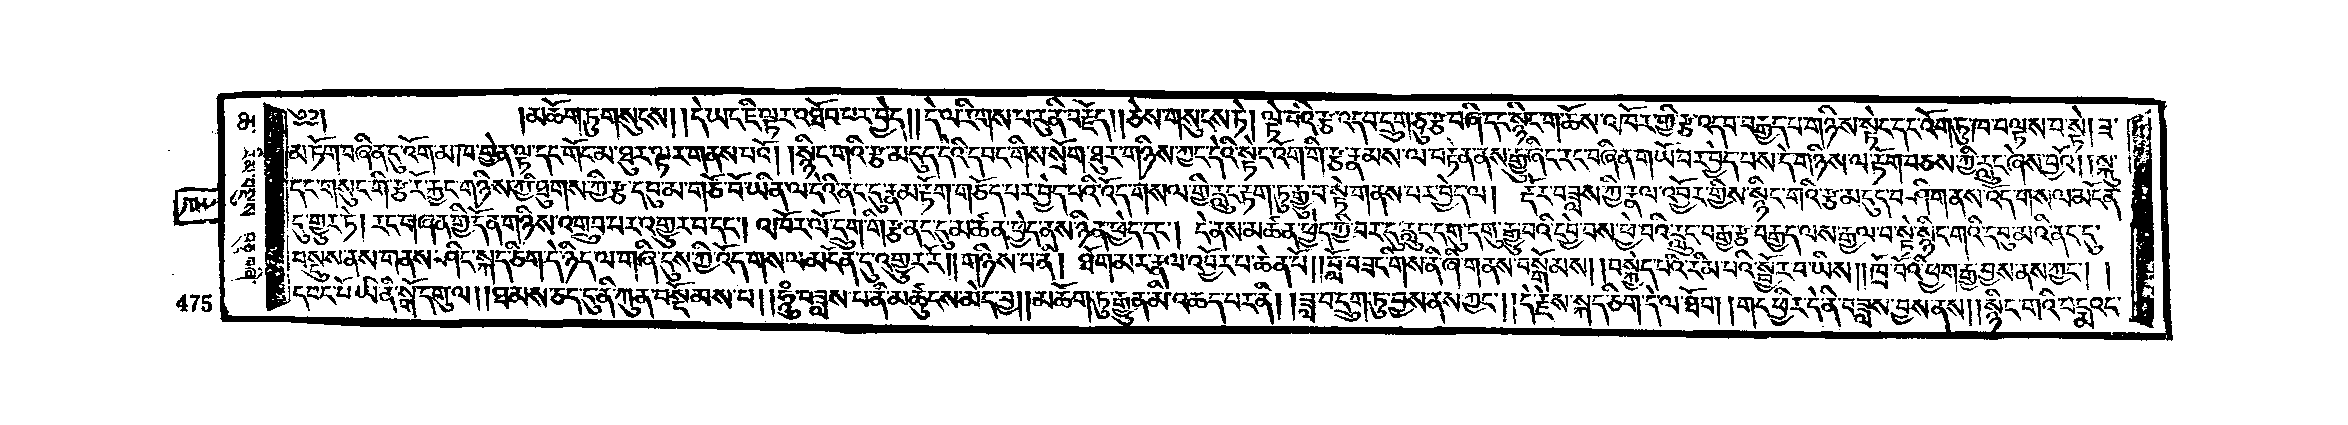༄༅། །མཆོག་ཏུ་གསུངས། །དེ་ཡང་ཇི་ལྟར་འཐོབ་པར་བྱེད། །དེ་ལ་རིགས་པ་རུ་ནི་བརྗོད། །ཅེས་གསུངས་ཏེ། ལྟེ་བའི་རྩ་འདབ་དྲུག་ཅུ་རྩ་བཞི་དང་སྙིང་གའི་ཆོས་འཁོར་གྱི་རྩ་འདབ་བརྒྱད་པ་གཉིས་སྟེང་དང་འོག་ཏུ་ཁ་བལྟས་པ་སྟེ། ཟ་
མ་ཏོག་བཞིན་དུ་འོག་མ་ཁ་གྱེན་ལྟ་དང་གོང་མ་ཐུར་ལྟར་གནས་པའོ། །སྙིང་གའི་རྩ་མདུད་དེའི་དབང་གིས་སྲོག་ཐུར་གཉིས་ཀྱང་དེའི་སྟེང་འོག་གི་རྩ་རྣམས་ལ་བརྟེན་ནས་རྒྱུ་ཞིང་རང་བཞིན་གཡོ་བར་བྱེད་པས་དེ་གཉིས་ལ་རྟོག་བཅས་ཀྱི་རླུང་ཞེས་བྱའོ། །སྐུ་
དང་གསུང་གི་རྩ་རོ་རྐྱང་གཉིས་ཀྱི་ཐུགས་ཀྱི་རྩ་དབུ་མ་གཙོ་བོ་ཡིན་ལ་དེའི་ནང་དུ་རྣམ་རྟོག་གཅོད་པར་བྱེད་པའི་འོད་གསལ་གྱི་རླུང་རྟག་ཏུ་རྒྱུ་བ་སྟེ་གནས་པར་བྱེད་ལ། རྡོར་བཟླས་ཀྱི་རྣལ་འབྱོར་གྱིས་སྙིང་གའི་རྩ་མདུད་བཤིག་ནས་འོད་གསལ་མངོན་
དུ་གྱུར་ཏེ། རང་གཞན་གྱི་དོན་གཉིས་འགྲུབ་པར་འགྱུར་བ་དང་། འཁོར་ལོ་དྲུག་གི་རྩ་ནང་དུ་མཚན་ཕྱེད་ནས་ཉིན་ཕྱེད་དང་། དེ་ནས་མཚན་ཕྱེད་ཀྱི་བར་དུ་རླུང་དགུ་དགུ་རྒྱུ་བའི་དབྱེ་བས་ཕྱེ་བའི་རླུང་བརྒྱ་རྩ་བརྒྱད་ལས་རྒྱལ་བ་སྟེ་སྙིང་གའི་དབུ་མའི་ནང་དུ་
བསྡུས་ནས་གནས་ཤིང་སྐད་ཅིག་དེ་ཉིད་ལ་གཞི་དུས་ཀྱི་འོད་གསལ་མངོན་དུ་འགྱུར་རོ། །གཉིས་པ་ནི། ཐོག་མར་རྣལ་འབྱོར་པ་ཆེན་པོ། །བློ་བཟང་གིས་ནི་ཞི་གནས་བསྒོམས། །བསྐྱེད་པའི་རིམ་པའི་སྦྱོར་བ་ཡིས། །ཁྲོ་བོའི་ཕྱག་རྒྱ་བྱས་ནས་ཀྱང་། །
དབང་པོ་ཡི་ནི་སྒོ་དགུ་ལ། །ཐམས་ཅད་དུ་ནི་ཀུན་བསྡོམས་པ། །ཧཱུཾ་བཟླས་པ་ནི་མཚུངས་མེད་བྱ། །མཆོག་ཏུ་རྒྱུན་མི་འཆད་པར་ནི། །ཟླ་བ་དྲུག་ཏུ་བྱས་ནས་ཀྱང་། །དེ་རྗེས་སྐད་ཅིག་དེ་ལ་ཐོབ། །གང་ཕྱིར་དེ་ནི་བཟླས་བྱས་ནས། །སྙིང་གའི་པདམའང་